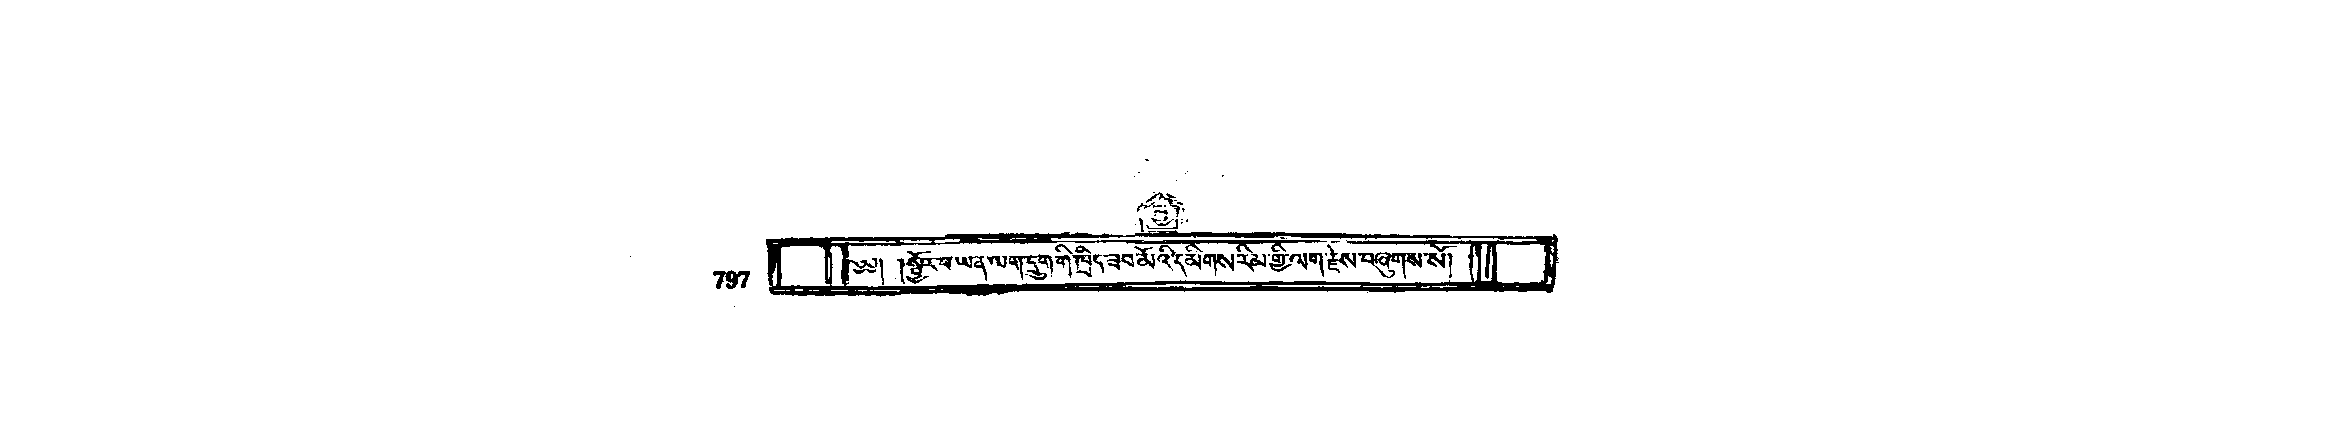༄༅། །སྦྱོར་བ་ཡན་ལག་དྲུག་གི་ཁྲིད་ཟབ་མོའི་དམིགས་རིམ་གྱི་ལག་རྗེས་བཞུགས་སོ། །